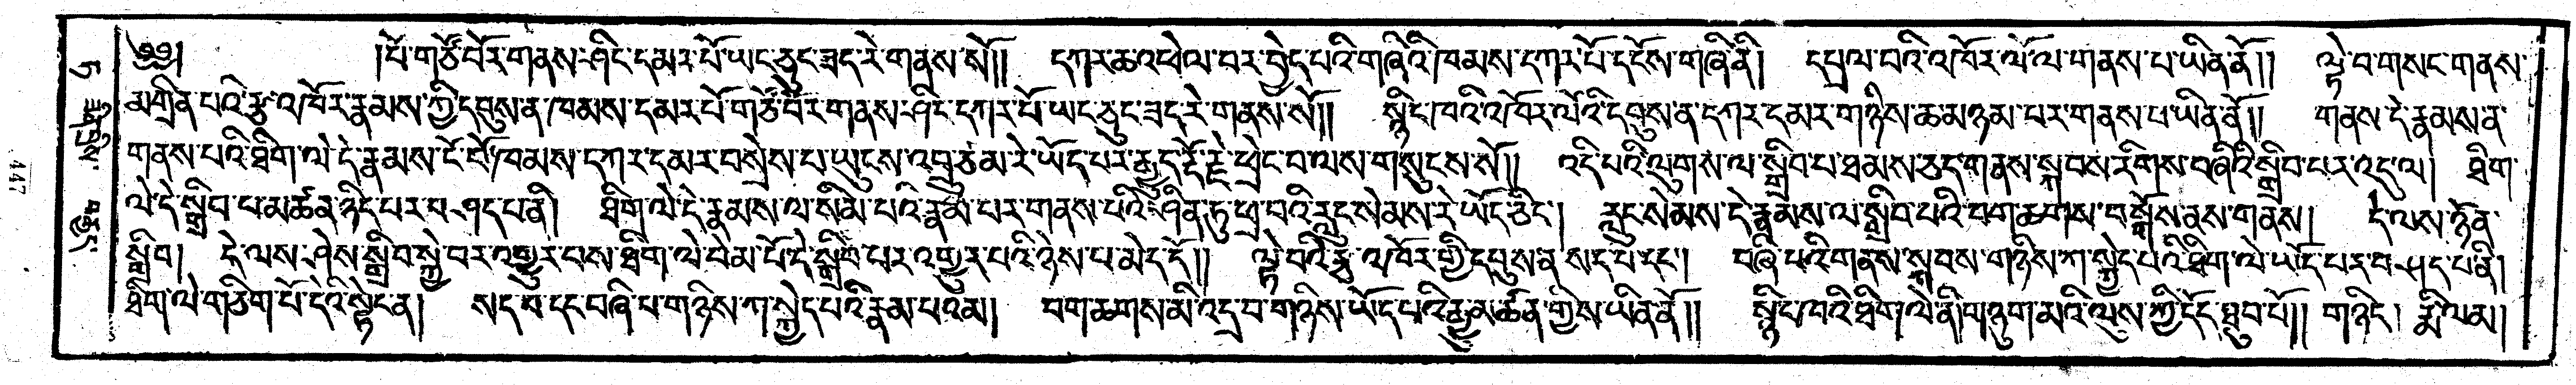༄༅། །པོ་གཙོ་བོར་གནས་ཤིང་དམར་པོ་ཡང་ཅུང་ཟད་རེ་གནས་སོ།། དཀར་ཆ་འཕེལ་བར་བྱེད་པའི་གཞིའི་ཁམས་དཀར་པོ་དངོས་གཞི་ནི། དཔྲལ་བའི་འཁོར་ལོ་ལ་གནས་པ་ཡིན་ནོ།། ལྟེ་བ་གསང་གནས་
མགྲིན་པའི་རྩ་འཁོར་རྣམས་ཀྱི་དབུས་ན་ཁམས་དམར་པོ་གཙོ་བོར་གནས་ཤིང་དཀར་པོ་ཡང་ཅུང་ཟད་རེ་གནས་སོ།། སྙིང་ཁའི་འཁོར་ལོའི་དབུས་ན་དཀར་དམར་གཉིས་ཆ་མཉམ་པར་གནས་པ་ཡིན་ནོ།། གནས་དེ་རྣམས་ན་
གནས་པའི་ཐིག་ལེ་དེ་རྣམས་ངོ་བོ་ཁམས་དཀར་དམར་བསྲེས་པ་ཡུངས་འབྲུ་ཙམ་རེ་ཡོད་པར་རྒྱུད་རྡོ་རྗེ་ཕྲེང་བ་ལས་གསུངས་སོ།། འདི་པའི་ལུགས་ལ་སྒྲིབ་པ་ཐམས་ཅད་གནས་སྐབས་རིགས་བཞིའི་སྒྲིབ་པར་འདུ་ལ། ཐིག་
ལེ་དེ་སྒྲིབ་པ་མཚན་ཉིད་པར་བཤད་པ་ནི། ཐིག་ལེ་དེ་རྣམས་ལ་སིམ་པའི་རྣམ་པར་གནས་པའི་ཤིན་ཏུ་ཕྲ་བའི་རླུང་སེམས་རེ་ཡོད་ཅིང་། རླུང་སེམས་དེ་རྣམས་ལ་སྒྲིབ་པའི་བག་ཆགས་བསྒོས་ནས་གནས། དེ་ལས་ཉོན་
སྒྲིབ། དེ་ལས་ཤེས་སྒྲིབ་སྐྱེ་བར་འགྱུར་བས་ཐིག་ལེ་བེམ་པོ་དེ་སྒྲིབ་པར་འགྱུར་པའི་ཉེས་པ་མེད་དོ།། ལྟེ་བའི་རྩ་འཁོར་གྱི་དབུས་ན་སད་པ་དང་། བཞི་པའི་གནས་སྐབས་གཉིས་ཀ་སྐྱེད་པའི་ཐིག་ལེ་ཡོད་པར་བཤད་པ་ནི།
ཐིག་ལེ་གཅིག་པོ་དེའི་སྟེང་ན། སད་བ་དང་བཞི་པ་གཉིས་ཀ་སྐྱེད་པའི་རྣམ་པའམ། བག་ཆགས་མི་འདྲ་བ་གཉིས་ཡོད་པའི་རྒྱུ་མཚན་གྱིས་ཡིན་ནོ།། སྙིང་ཁའི་ཐིག་ལེ་ནི། གཉུག་མའི་ལུས་ཀྱི་དོད་ཐུབ་པོ།། གཉིད། རྨི་ལམ།